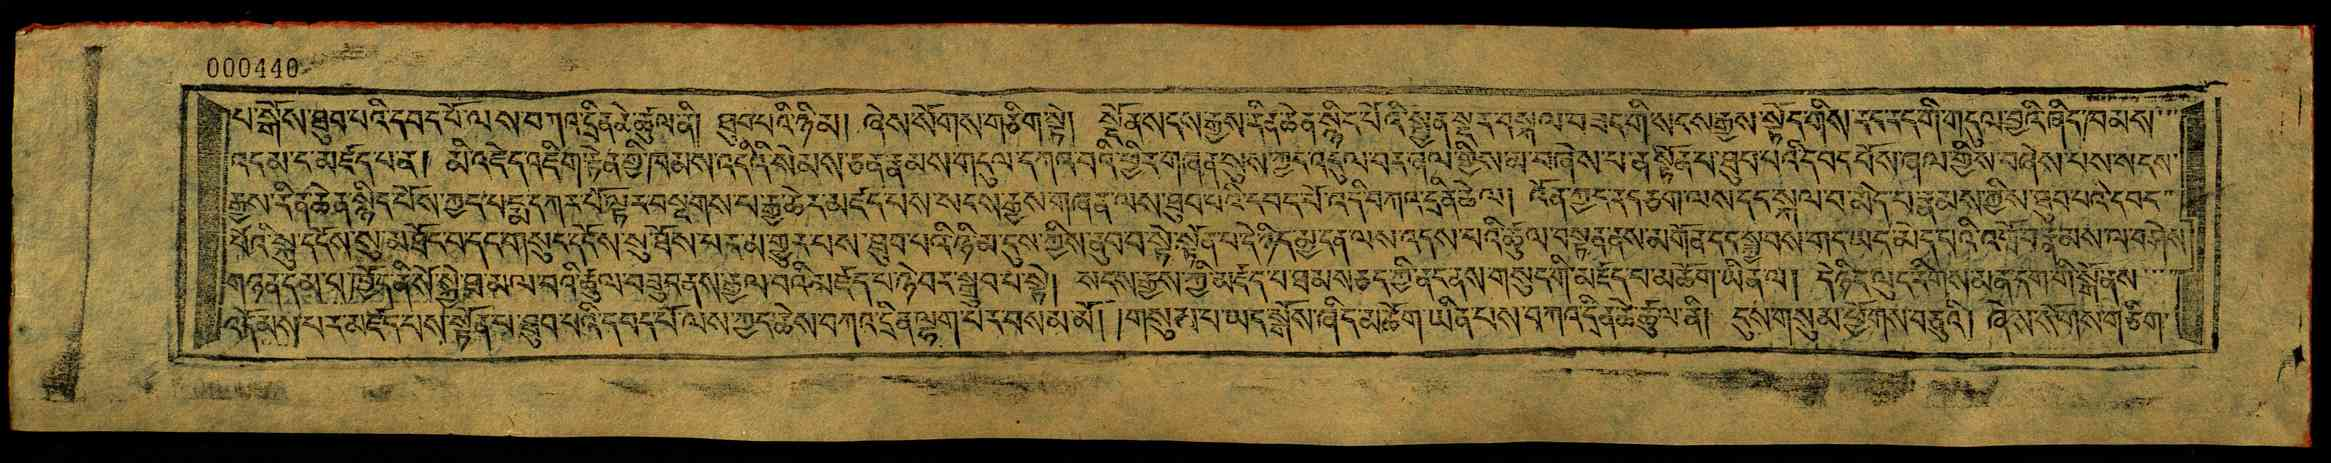པ་སྒོས་ཐུབ་པའི་དབང་པོ་ལས་བཀའ་དྲིན་ཆེ་ཚུལ་ནི། ཐུབ་པའི་ཉི་མ། ཞེས་སོགས་གཅིག་སྟེ། སྔོན་སངས་རྒྱས་རིན་ཆེན་སྙིང་པོའི་སྤྱན་སྔར་བསྐལ་བཟང་གི་སངས་རྒྱས་སྟོང་གིས་རང་རང་གི་གདུལ་བྱའི་ཞིང་ཁམས་
འདམ་ང་མཛད་པ་ན། མི་མཇེད་འཇིག་རྟེན་གྱི་ཁམས་འདིའི་སེམས་ཅན་རྣམས་གདུལ་དཀའ་བའི་ཕྱིར་གཞན་སུས་ཀྱང་འདུལ་བར་ཞལ་གྱིས་མ་བཞེས་པ་ན་སྟོན་པ་ཐུབ་པའི་དབང་པོས་ཞལ་གྱིས་བཞེས་པས་སངས་
རྒྱས་རིན་ཆེན་སྙིང་པོས་ཀྱང་པདམ་དཀར་པོ་ལྟར་བསྔགས་པ་རྒྱ་ཆེར་མཛད་པས་སངས་རྒྱས་གཞན་ལས་ཐུབ་པའི་དབང་པོ་འདི་བཀའ་དྲིན་ཆེ་ལ། འོན་ཀྱང་རང་ཅག་ལས་དང་སྐལ་བ་མེད་པ་རྣམས་ཀྱིས་ཐུབ་པའི་དབང་
པོའི་སྐུ་དངོས་སུ་མཐོང་བ་དང་གསུང་དངོས་སུ་ཐོས་པར་མ་གྱུར་པས་ཐུབ་པའི་ཉི་མ་དུས་ཀྱིས་ནུབ་པ་སྟེ་སྟོན་པ་དེ་ཉིད་མྱ་ངན་ལས་འདས་པའི་ཚུལ་བསྟན་ནས་མགོན་དང་སྐྱབས་གང་ཡང་མེད་པའི་འགྲོ་བ་རྣམས་ལ་བཤེས་
གཉེན་དམ་པ་ཁྱོད་ནི་སོ་སྐྱེ་ཐ་མལ་བའི་ཚུལ་བཟུང་ནས་རྒྱལ་བའི་མཛད་པ་ཉེ་བར་སྒྲུབ་པ་སྟེ། སངས་རྒྱས་ཀྱི་མཛད་པ་ཐམས་ཅད་ཀྱི་ནང་ནས་གསུང་གི་མཛད་པ་མཆོག་ཡིན་ལ། དེ་ཉིད་ལུང་རིགས་མན་ངག་གི་སྒོ་ནས་
འདོམས་པར་མཛད་པས་སྟོན་པ་ཐུབ་པའི་དབང་པོ་ལས་ཀྱང་ཆེས་བཀའ་དྲིན་ལྷག་པར་བསམ་མོ། །གསུམ་པ་ཡང་སྒོས་ཞིང་མཆོག་ཡིན་པས་བཀའ་དྲིན་ཆེ་ཚུལ་ནི། དུས་གསུམ་ཕྱོགས་བཅུའི། ཞེས་སོགས་གཅིག་